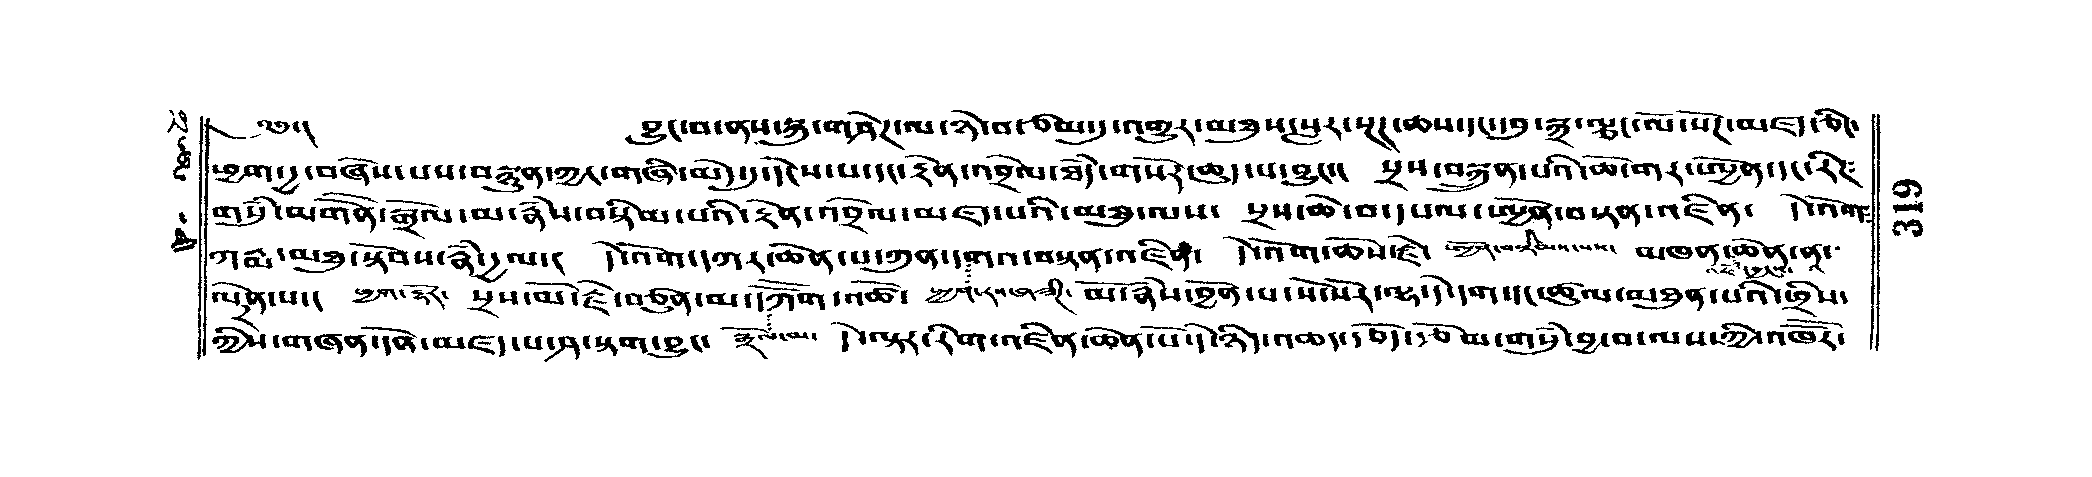བྱུང་བ་ནས་སྐུ་གཤེགས་ལ་ཉེ་བ་ཙམ་དུ་འགྱུར་མཐུས་སླར་སྔགས་ཆས་དང་དབུ་སྐྲ་ལྕང་ལོ་སོགས་མཛད་ཅིང་
ཕྱག་རྒྱ་བཞེས་པས་བསྙུན་ཀྱང་གཞི་མེད་དུ་དེངས་པ་དང་རྟེན་འབྲེལ་ཐམས་ཅད་སོར་ཆུད་པ་བྱུང་། སྲས་བསྐྲུན་པའི་ཆོ་གར་ཨོ་རྒྱན་དང་རིགས་
གསུམ་མགོན་པོ་སྒྲོལ་མ་རྣམས་བསྟིམ་པའི་རྟེན་འབྲེལ་མཛད་པའི་མཐུ་ལས། སྲས་ཆེ་བ་དཔལ་ཨོ་རྒྱན་ { ཨོ་རྒྱན་བསྟིམས་པས། } བསྟན་འཛིན། དེ་འོག་
ཀརྨ་མཐུ་སྟོབས་ { ཕྱག་རྡོར། } རྣམ་རྒྱལ། དེ་འོག་དཀར་ཆེན་པ་ཀུན་དགའ་ { སྤྱན་རས་གཟིགས }བསྟན་འཛིན། དེ་འོག་ཆོས་རྗེ་མཁན་ཆེན་ { འཇམ་དབྱངས། } ནཱ་
ལེནྡྲ་པ། སྲས་མོ་རྗེ་བཙུན་མ་དཀོན་མཆོག་ { སྒྲོལ་མ། } འཚོ་མོ་རྣམས་བྱོན་པ་སོ་སོར་ལྷ་དེ་དག་དང་ཚུལ་མཐུན་པའི་ཕྲིན་ལས་
ཀྱིས་གཞན་དོན་མཛད་པ་ཤ་སྟག་བྱུང་། དེ་ལྟར་རིག་འཛིན་ཆེན་པོ་དེ་ཉིད་འཆད་རྩོད་རྩོམ་གསུམ་བྱ་བ་ལས་ཀྱི་འཁོར་ལོ་